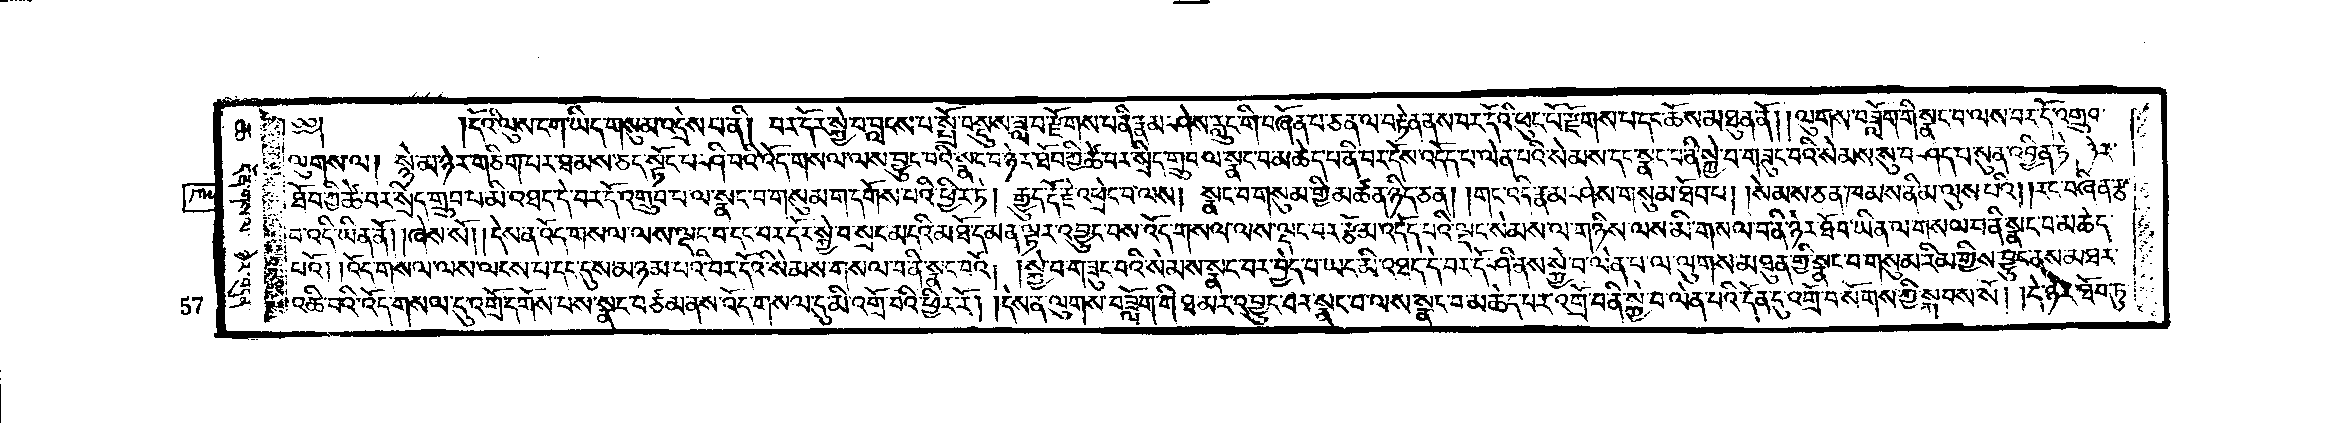༄༅། །དོའི་ལུས་ངག་ཡིད་གསུམ་འདྲེས་པ་ནི། བར་དོར་སྐྱེ་བ་བླངས་པ་སྤྲོ་བསྡུས་ཟླ་བ་རྫོགས་པ་ནི་རྣམ་ཤེས་རླུང་གི་བཞོན་པ་ཅན་ལ་བརྟེན་ནས་བར་དོའི་ཕུང་པོ་རྫོགས་པ་དང་ཆོས་མཐུན་ནོ། །ལུགས་བཟློག་གི་སྣང་བ་ལས་བར་དོ་འགྲུབ་
ལུགས་ལ། སྙེ་མ་ཉེར་གཅིག་པར་ཐམས་ཅད་སྟོང་པ་ཤི་བའི་འོད་གསལ་ལས་བྱུང་བའི་སྣང་བ་ཉེར་ཐོབ་ཀྱི་ཚེ་བར་སྲིད་གྲུབ་ལ་སྣང་བ་མཆེད་པ་ནི་བར་དོས་འདོད་པ་ལེན་པའི་སེམས་དང་སྣང་བ་ནི་སྐྱེ་བ་གཟུང་བའི་སེམས་སུ་བཤད་པ་སུན་འབྱིན་ཏེ། ཉེར་
ཐོབ་ཀྱི་ཚེ་བར་སྲིད་གྲུབ་པ་མི་འཐད་དེ་བར་དོ་འགྲུབ་པ་ལ་སྣང་བ་གསུམ་ག་དགོས་པའི་ཕྱིར་ཏེ། རྒྱུད་རྡོ་རྗེ་འཕྲེང་བ་ལས། སྣང་བ་གསུམ་གྱི་མཚན་ཉིད་ཅན། །གང་འདི་རྣམ་ཤེས་གསུམ་ཐོབ་པ། །སེམས་ཅན་ཁམས་ནི་མ་ལུས་པའི། །རང་བཞིན་རྩ་
བ་འདི་ཡིན་ནོ། །ཞེས་སོ། །དེས་ན་འོད་གསལ་ལས་ལྡང་བ་དང་བར་དོར་སྐྱེ་བ་སྲང་མདའི་མཐོ་དམན་ལྟར་འབྱུང་བས་འོད་གསལ་ལས་ལྡང་བར་རྩོམ་འདོད་པའི་ལྡང་སེམས་ལ་གཉིས་ལས་མི་གསལ་བ་ནི་ཉེར་ཐོབ་ཡིན་ལ་གསལ་བ་ནི་སྣང་བ་མཆེད་
པའོ། །འོད་གསལ་ལས་ལངས་པ་དང་དུས་མཉམ་པའི་བར་དོའི་སེམས་གསལ་བ་ནི་སྣང་བའོ། །སྐྱེ་བ་གཟུང་བའི་སེམས་སྣང་བར་བྱེད་པ་ཡང་མི་འཐད་དེ་བར་དོ་ཤི་ནས་སྐྱེ་བ་ལེན་པ་ལ་ལུགས་མཐུན་གྱི་སྣང་བ་གསུམ་རིམ་གྱིས་བྱུང་ནས་མཐར་
འཆི་བའི་འོད་གསལ་དུ་འགྲོ་དགོས་པས་སྣང་བ་ཙམ་ནས་འོད་གསལ་དུ་མི་འགྲོ་བའི་ཕྱིར་རོ། །དེས་ན་ལུགས་བཟློག་གི་ཐ་མར་འབྱུང་བའི་སྣང་བ་ལས་སྣང་བ་མཆེད་པར་འགྲོ་བ་ནི་སྐྱེ་བ་ལེན་པའི་དོན་དུ་འགྲོ་བ་སོགས་ཀྱི་སྐབས་སོ། །དེ་ཉེར་ཐོབ་ཏུ་